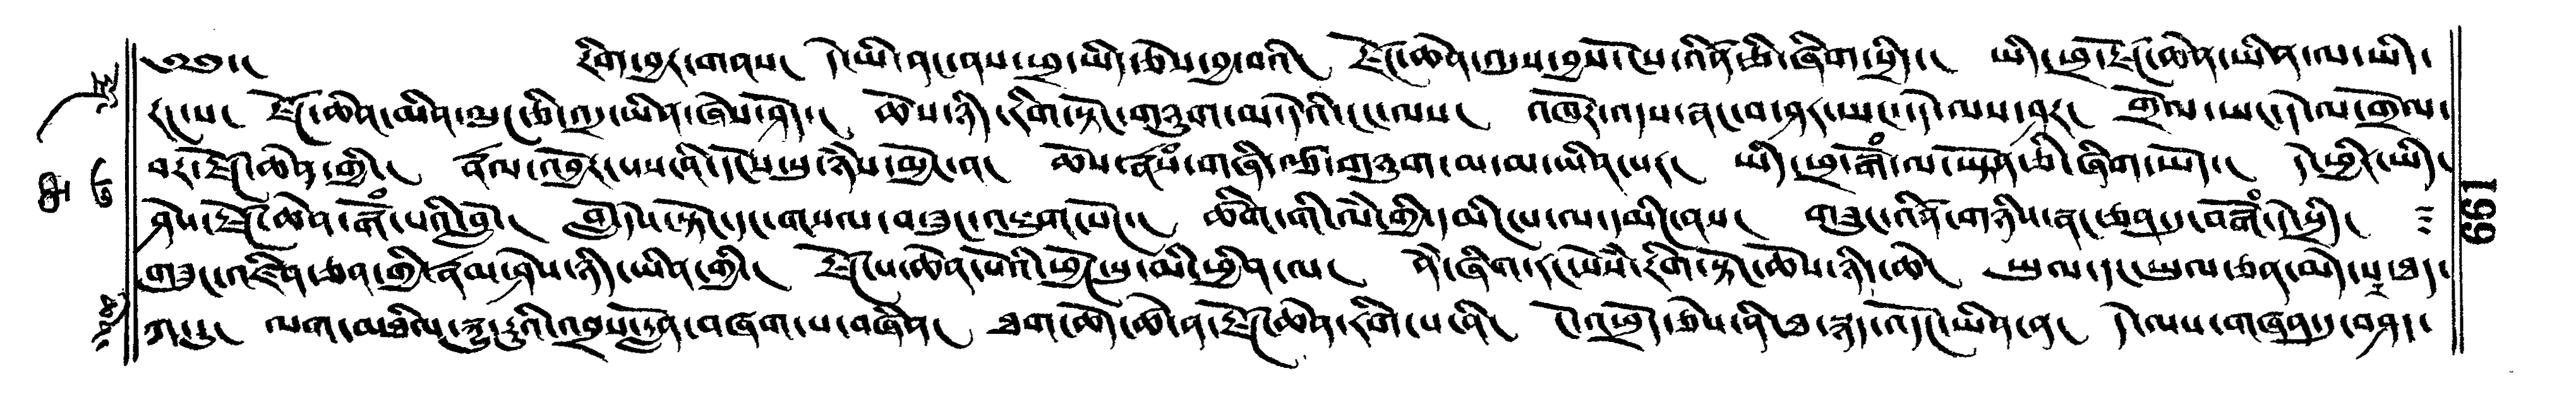རིག་བྱར་གནས། །དེ་ཡི་ནང་ནས་ཕྲ་ཡིད་ཅེས་བྱ་བའི། །རྫོགས་ཆེན་འདུས་བྱས་ངོས་འཛིན་ཅི་ཞིག་སྲིད། །ཡིད་ཕྲ་རྫོགས་ཆེན་ཡིན་ལ་ཡིད་
རགས་པ། རྫོགས་ཆེན་མིན་ལུགས་ཅི་འདྲ་ཡིན་ཞེས་ཤོད། །ཆོས་ཉིད་རིག་སྟོང་གཉུག་མ་དེའི་ངང་ལས། འཁོར་འདས་སྣང་བ་ཤར་ཡང་དེ་ལས་ཤར། །གྲོལ་ཡང་དེ་ལ་གྲོལ་
བར་རྫོགས་ཆེན་གྱི། །རྣལ་འབྱོར་པས་ནི་དངོས་སུ་ཉམས་མྱོང་ན། །ཆོས་རྣམས་གཞི་རྩ་གཉུག་མ་མ་ཡིན་པར། །ཡིད་ཕྲ་སྒོམ་ལ་ཡོན་ཏན་ཅི་ཞིག་ཡོད། །དེ་ཕྱིར་ཡིད་
ཤེས་རྫོགས་ཆེན་སྒོམ་པའི་བློ། །བློ་དེས་སྟོང་དང་གསལ་བ་ཟུང་འཇུག་སོགས། །ཚིག་གི་ལམ་གྱི་དམིགས་པ་ལ་དམིགས་ནས། །གཟུང་འཛིན་གཉིས་སྣང་ཅན་དུ་བསྒོམ་དེ་སྲིད། །
གཟུང་འཛིན་ཅན་གྱི་རྣམ་ཤེས་ཉིད་ཡིན་གྱི། །རྫོགས་པ་ཆེན་པོའི་ཕྱོགས་སུ་མི་ཕྱིན་ལ། །ནམ་ཞིག་རང་སེམས་རིག་སྟོ་ཆོས་ཉིད་ཆེ། །ཡུལ་དང་ཡུལ་ཅན་མེད་པར་ཐད་
ཀ་རུ། །ལག་མཐིལ་སྐྱུ་རུའི་འབྲས་རློན་བཞག་པ་བཞིན། །ཐག་ཆོད་ཚེ་ན་རྫོགས་ཆེན་རིག་པ་ནི། །ངོ་འཕྲོད་ཅེས་ནི་ཐ་སྙད་འདོགས་ཡིན་ན། །དེ་ལས་གཞན་དུ་བཤད་